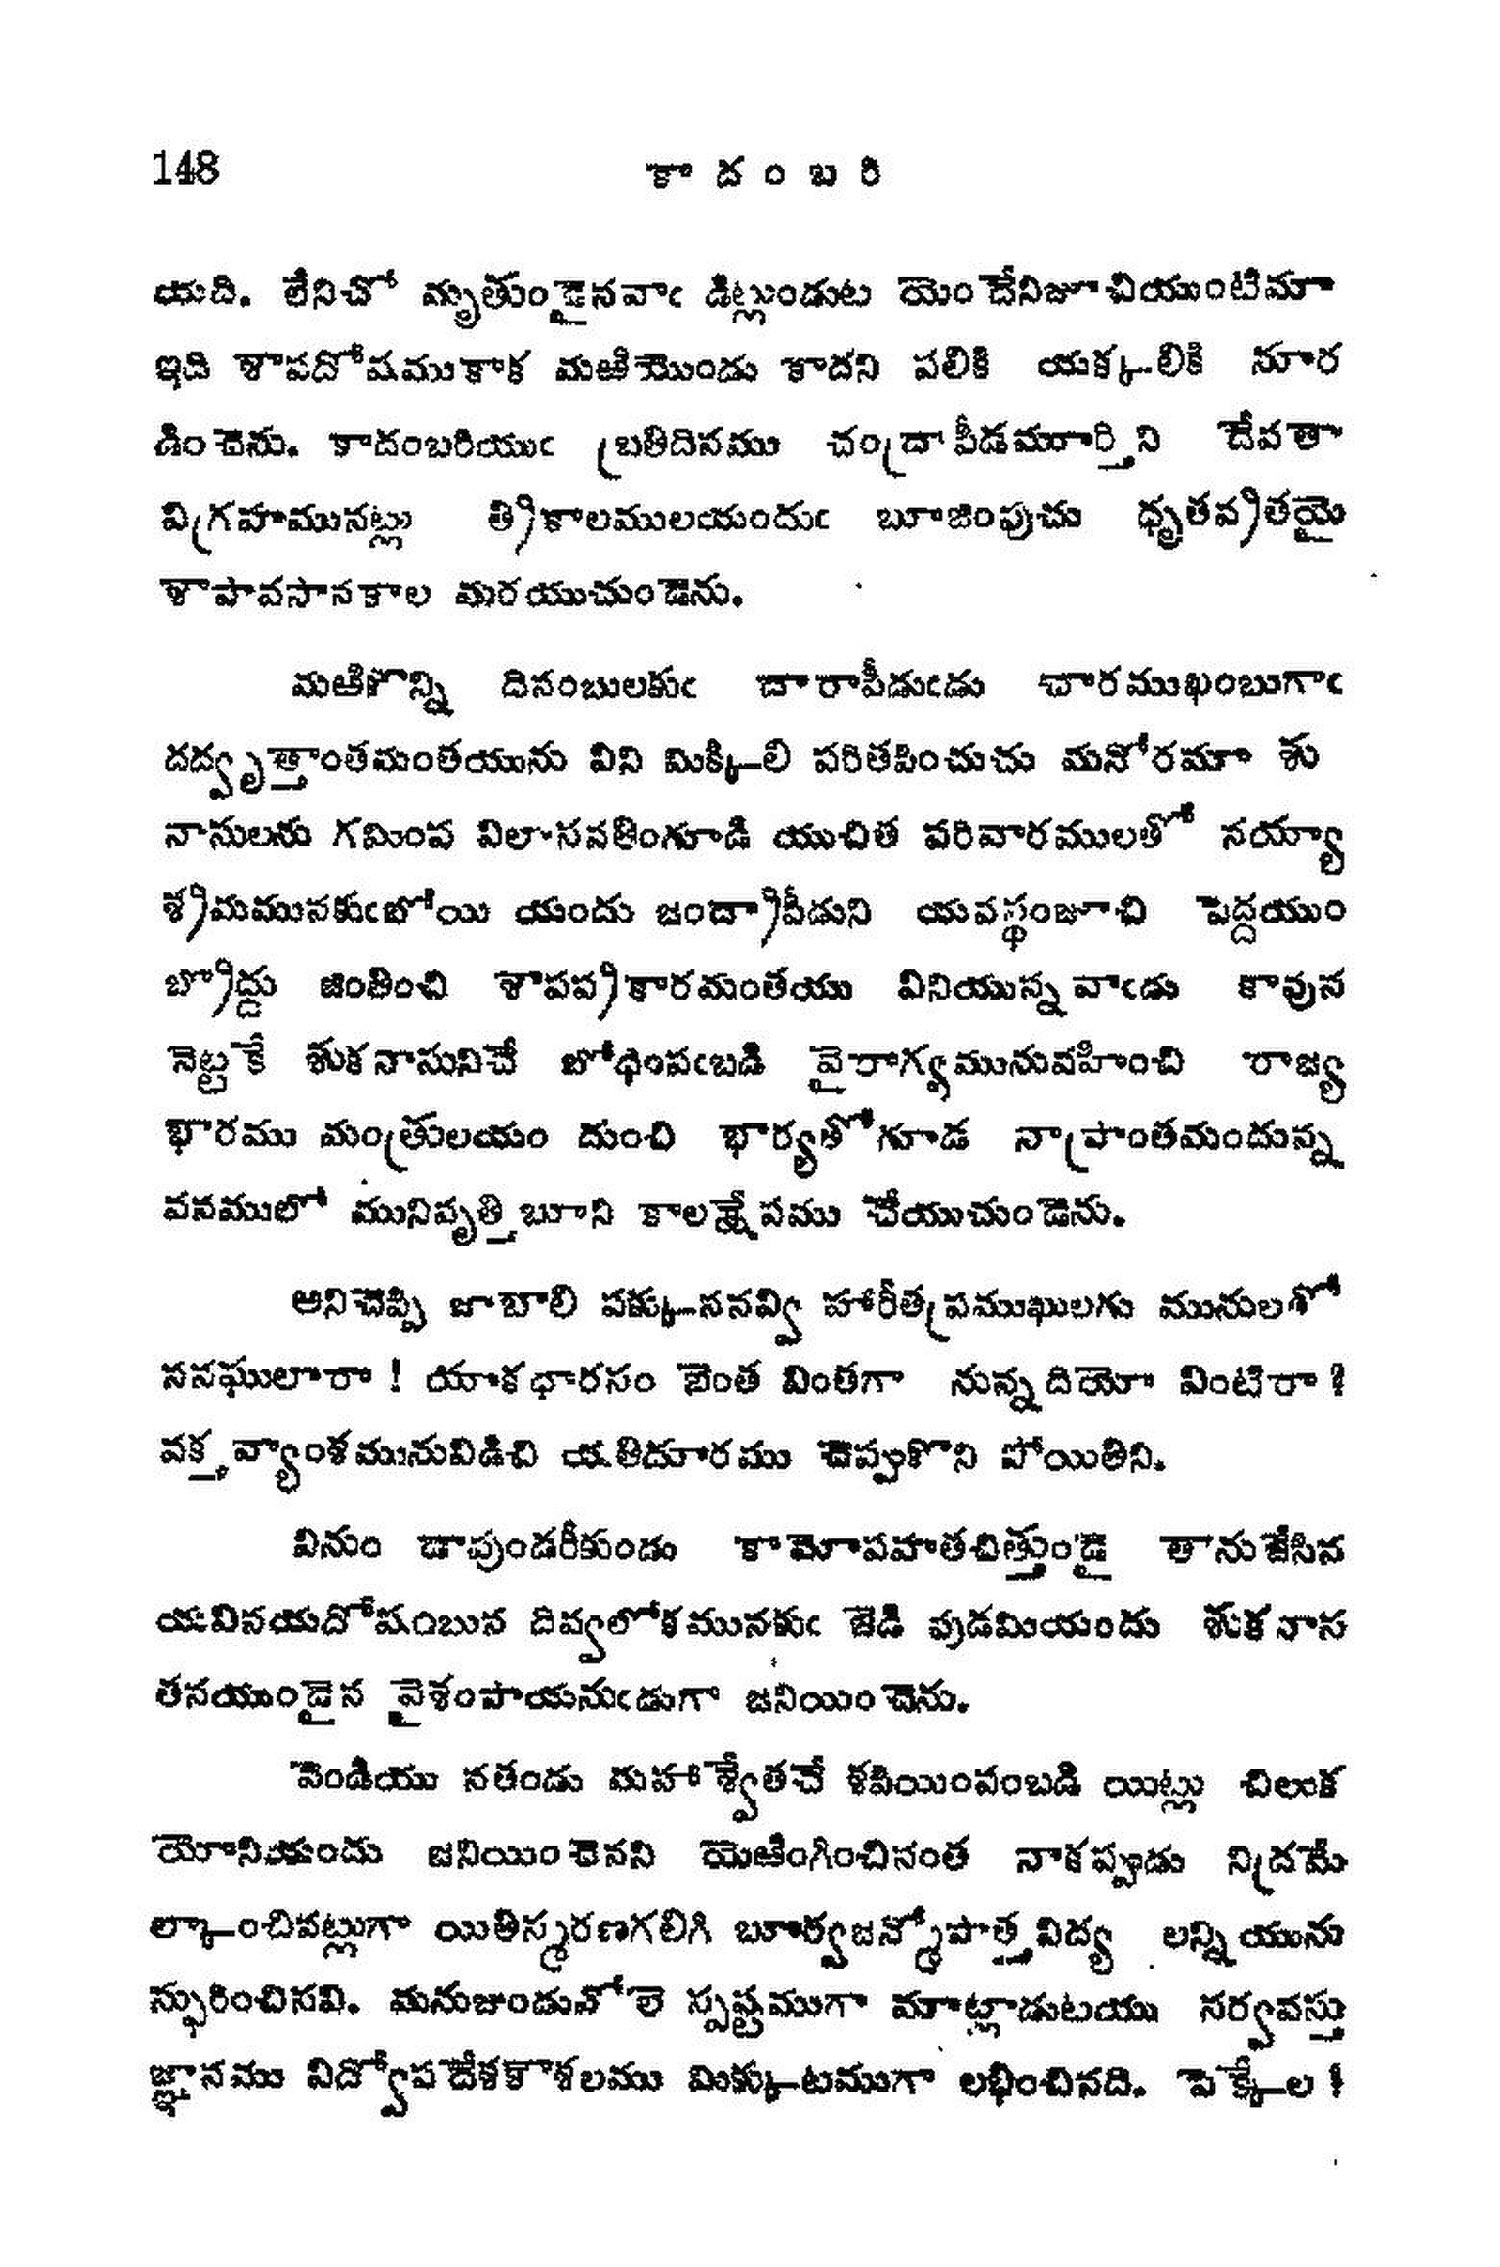యది. లేనిచో మృతుండైనవాఁ డిట్లుండుట యెందేనిజూచియుంటిమా ఇది శాపదోషముకాక మఱియొండు కాదని పలికి యక్కలికి నూరడించెను. కాదంబరియుఁ బ్రతిదినము చంద్రాపీడమూర్తిని దేవతా విగ్రహమునట్లు త్రికాలములయందుఁ బూజింపుచు ధృతవ్రతయై శాపావసానకాల మరయుచుండెను.

మఱికొన్ని దినంబులకుఁ దారాపీడుఁడు చారముఖంబుగాఁ దద్వృత్తాంతమంతయును విని మిక్కిలి పరితపించుచు మనోరమా శుకనాసులను గమింప విలాసవతింగూడి యుచిత పరివారములతో నయ్యాశ్రమమునకుఁబోయి యందు జంద్రాపీడుని యవస్థంజూచి పెద్దయుం బ్రొద్దు జింతించి శాపప్రకారమంతయు వినియున్నవాఁడు కావున నెట్టకే శుకనాసునిచే బోధింపఁబడి వైరాగ్యమునువహించి రాజ్యభారము మంత్రులయం దుంచి భార్యతోగూడ నాప్రాంతమందున్న వనములో మునివృత్తిబూని కాలక్షేపము చేయుచుండెను.

అనిచెప్పి జాబాలి పక్కుననవ్వి హారీతప్రముఖులగు మునులతో ననఘులారా! యాకధారసం బెంత వింతగా నున్నదియో వింటిరా? వక్తవ్యాంశమునువిడిచి యతిదూరము చెప్పుకొని పోయితిని.

వినుం డాపుండరీకుండు కామోపహతచిత్తుండై తానుజేసిన యవినయదోషంబున దివ్యలోకమునకుఁ జెడి పుడమియందు శుకనాస తనయుండైన వైశంపాయనుఁడుగా జనియించెను.

వెండియు నతండు మహాశ్వేతచే శపియింపంబడి యిట్లు చిలుక యోనియందు జనియించెనని యెఱింగించినంత నాకప్పుడు నిద్రమేల్కాంచినట్లుగా యితిస్మరణగలిగి బూర్వజన్మోపాత్తవిద్య లన్నియును స్ఫురించినవి. మనుజుండువోలె స్పష్టముగా మాట్లాడుటయు సర్వవస్తు జ్ఞానము విద్వోపదేశకౌశలము మిక్కుటముగా లభించినది. పెక్కేల?